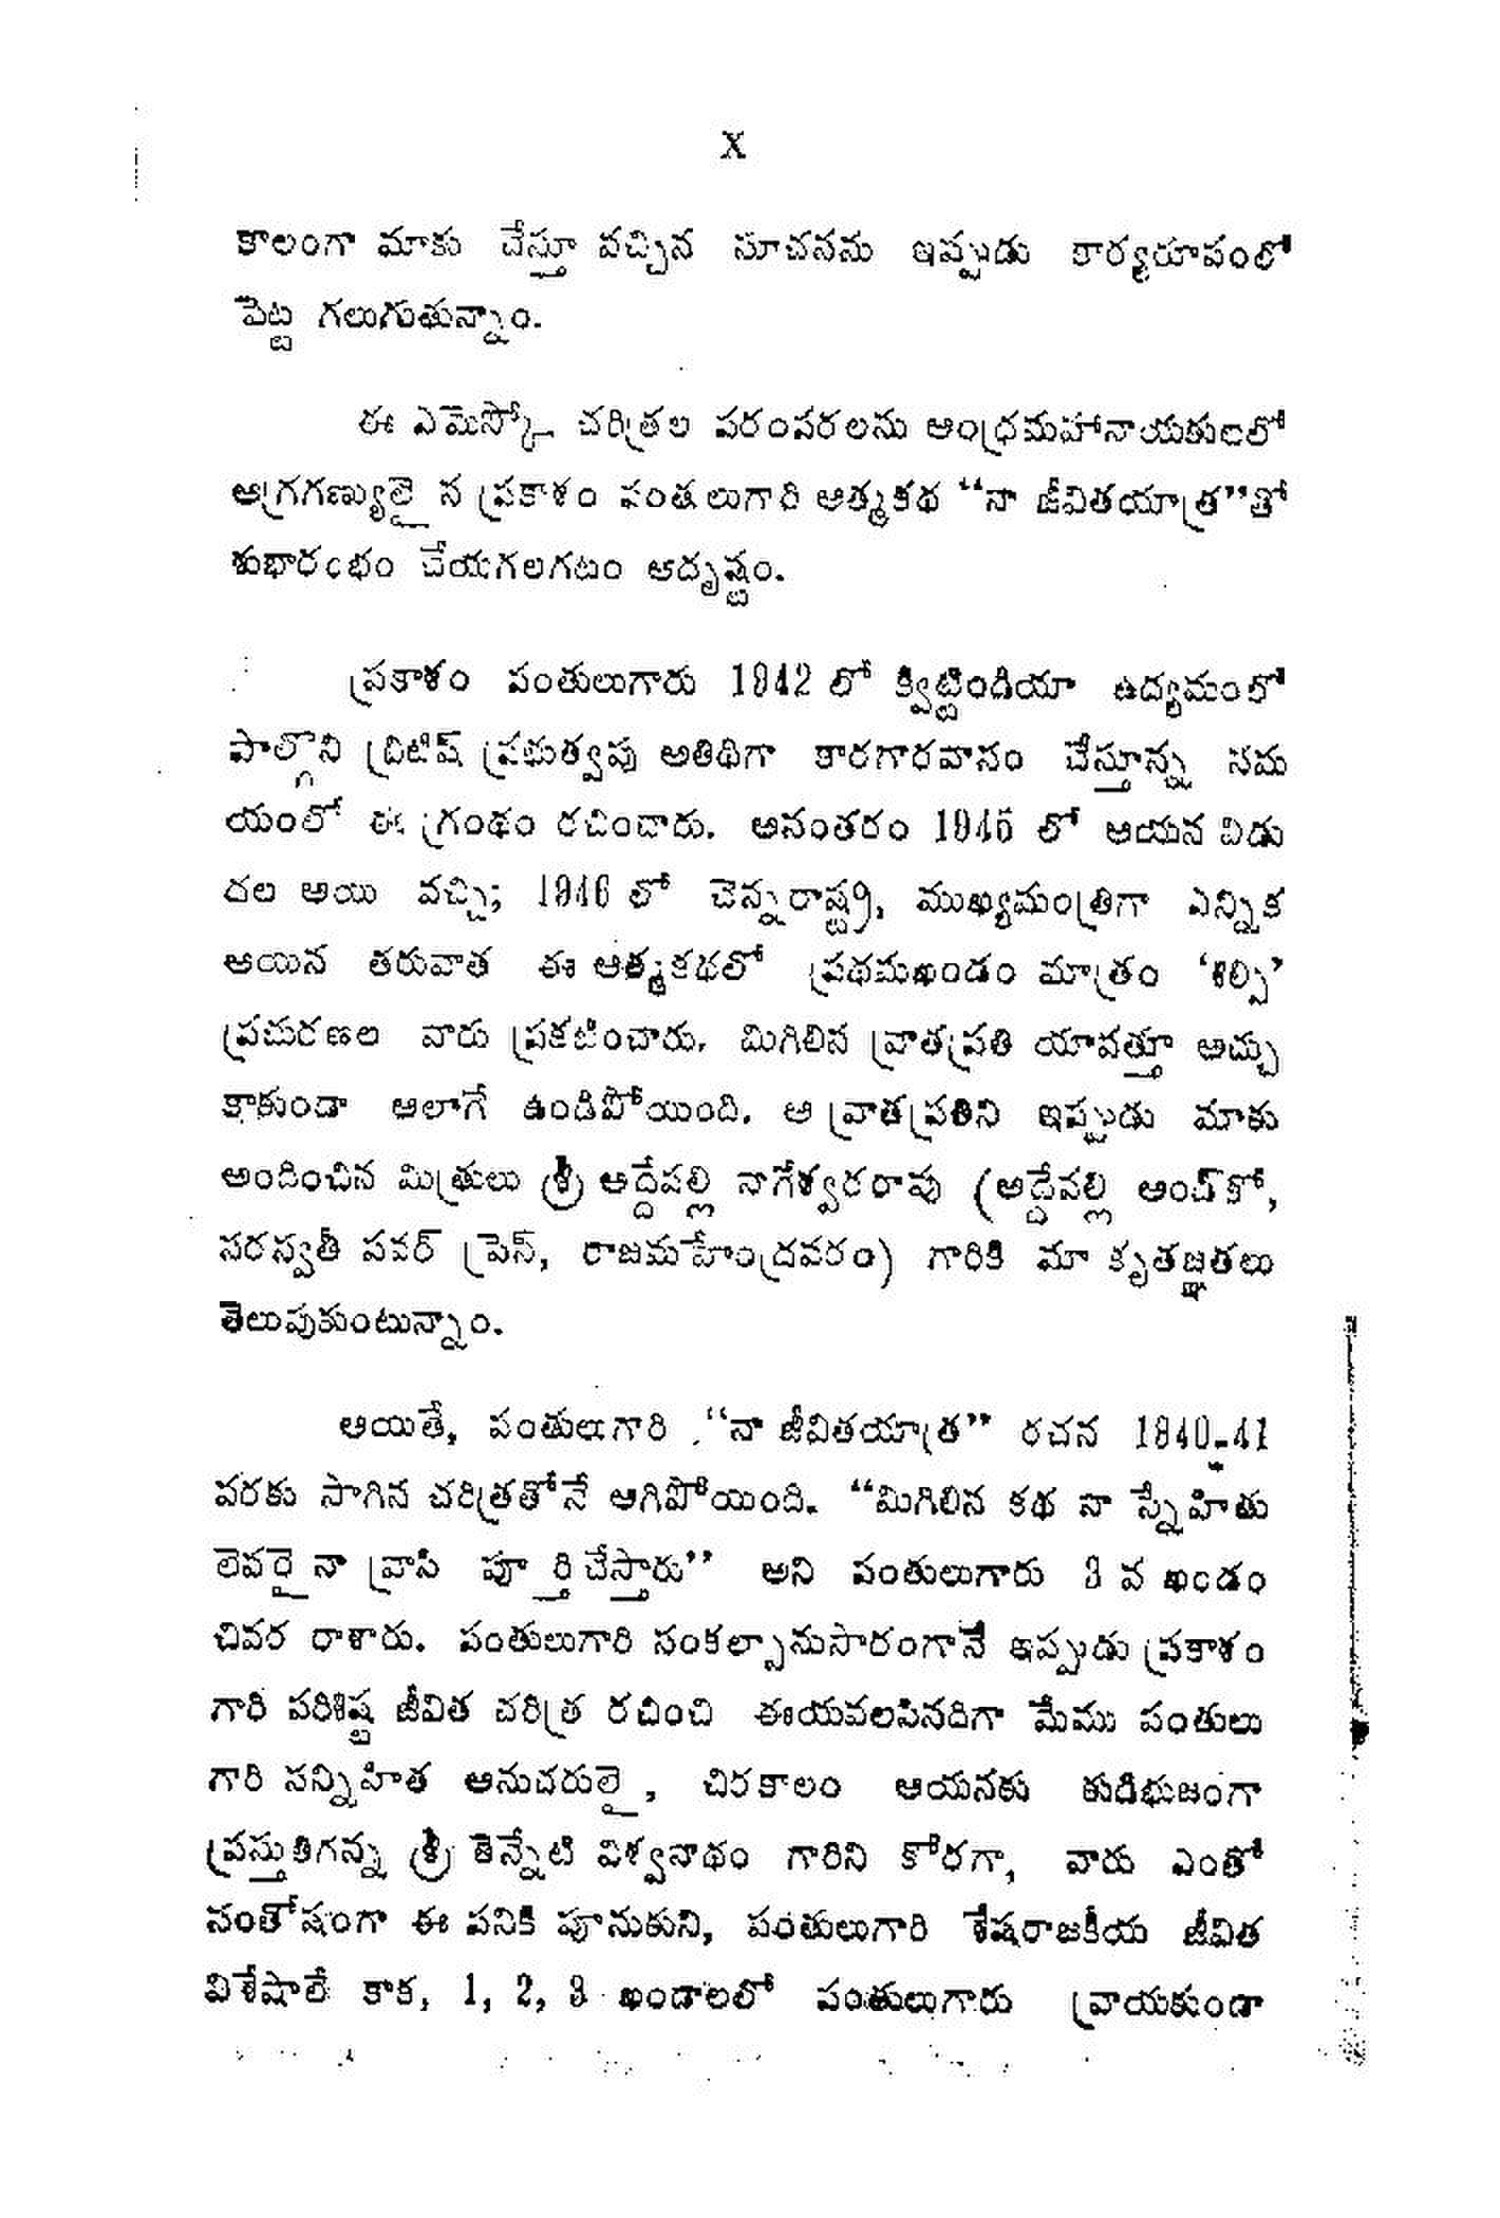కాలంగా మాకు చేస్తూ వచ్చిన సూచనను ఇప్పుడు కార్యరూపంలో పెట్ట గలుగుతున్నాం.

ఈ ఎమెస్కో చరిత్రల పరంపరలను ఆంధ్రమహానాయకులలో అగ్రగణ్యులైన ప్రకాశం పంతులుగారి ఆత్మకథ "నా జీవితయాత్ర"తో శుభారంభం చేయగలగటం అదృష్టం.

ప్రకాశం పంతులుగారు 1942 లో క్విట్టిండియా ఉద్యమంలో పాల్గొని బ్రిటిష్ ప్రభుత్వపు అతిథిగా కారగారవాసం చేస్తూన్న సమయంలో ఈ గ్రంథం రచించారు. అనంతరం 1945 లో ఆయన విడుదల అయి వచ్చి; 1946 లో చెన్నరాష్ట్ర, ముఖ్యమంత్రిగా ఎన్నిక అయిన తరువాత ఈ ఆత్మకథలో ప్రథమఖండం మాత్రం 'శిల్పి' ప్రచురణల వారు ప్రకటించారు. మిగిలిన వ్రాతప్రతి యావత్తూ అచ్చు కాకుండా అలాగే ఉండిపోయింది. ఆ వ్రాతప్రతిని ఇప్పుడు మాకు అందించిన మిత్రులు శ్రీ అద్దేపల్లి నాగేశ్వరరావు (అద్దేపల్లి అండ్‌కో, సర్వస్వతీ పవర్ ప్రెస్, రాజమహేంద్రవరం) గారికి మా కృతజ్ఞతలు తెలుపుకుంటున్నాం.

అయితే, పంతులుగారి "నా జీవితయాత్ర" రచన 1940 - 41 వరకు సాగిన చరిత్రతోనే ఆగిపోయింది. "మిగిలిన కథ నా స్నేహితులెవరైనా వ్రాసి పూర్తిచేస్తారు" అని పంతులుగారు 3 వ ఖండం చివర రాశారు. పంతులుగారి సంకల్పానుసారంగానే ఇప్పుడు ప్రకాశంగారి పరిశిష్ట జీవిత చరిత్ర రచించి ఈయవలసినదిగా మేము పంతులుగారి సన్నిహిత అనుచరులై, చిరకాలం ఆయనకు కుడిభుజంగా ప్రస్తుతిగన్న శ్రీ తెన్నేటి విశ్వనాథం గారిని కోరగా, వారు ఎంతో సంతోషంగా ఈ పనికి పూనుకుని, పంతులుగారి శేషరాజకీయ జీవిత విశేషాలే కాక, 1, 2, 3 ఖండాలలో పంతులుగారు వ్రాయకుండా